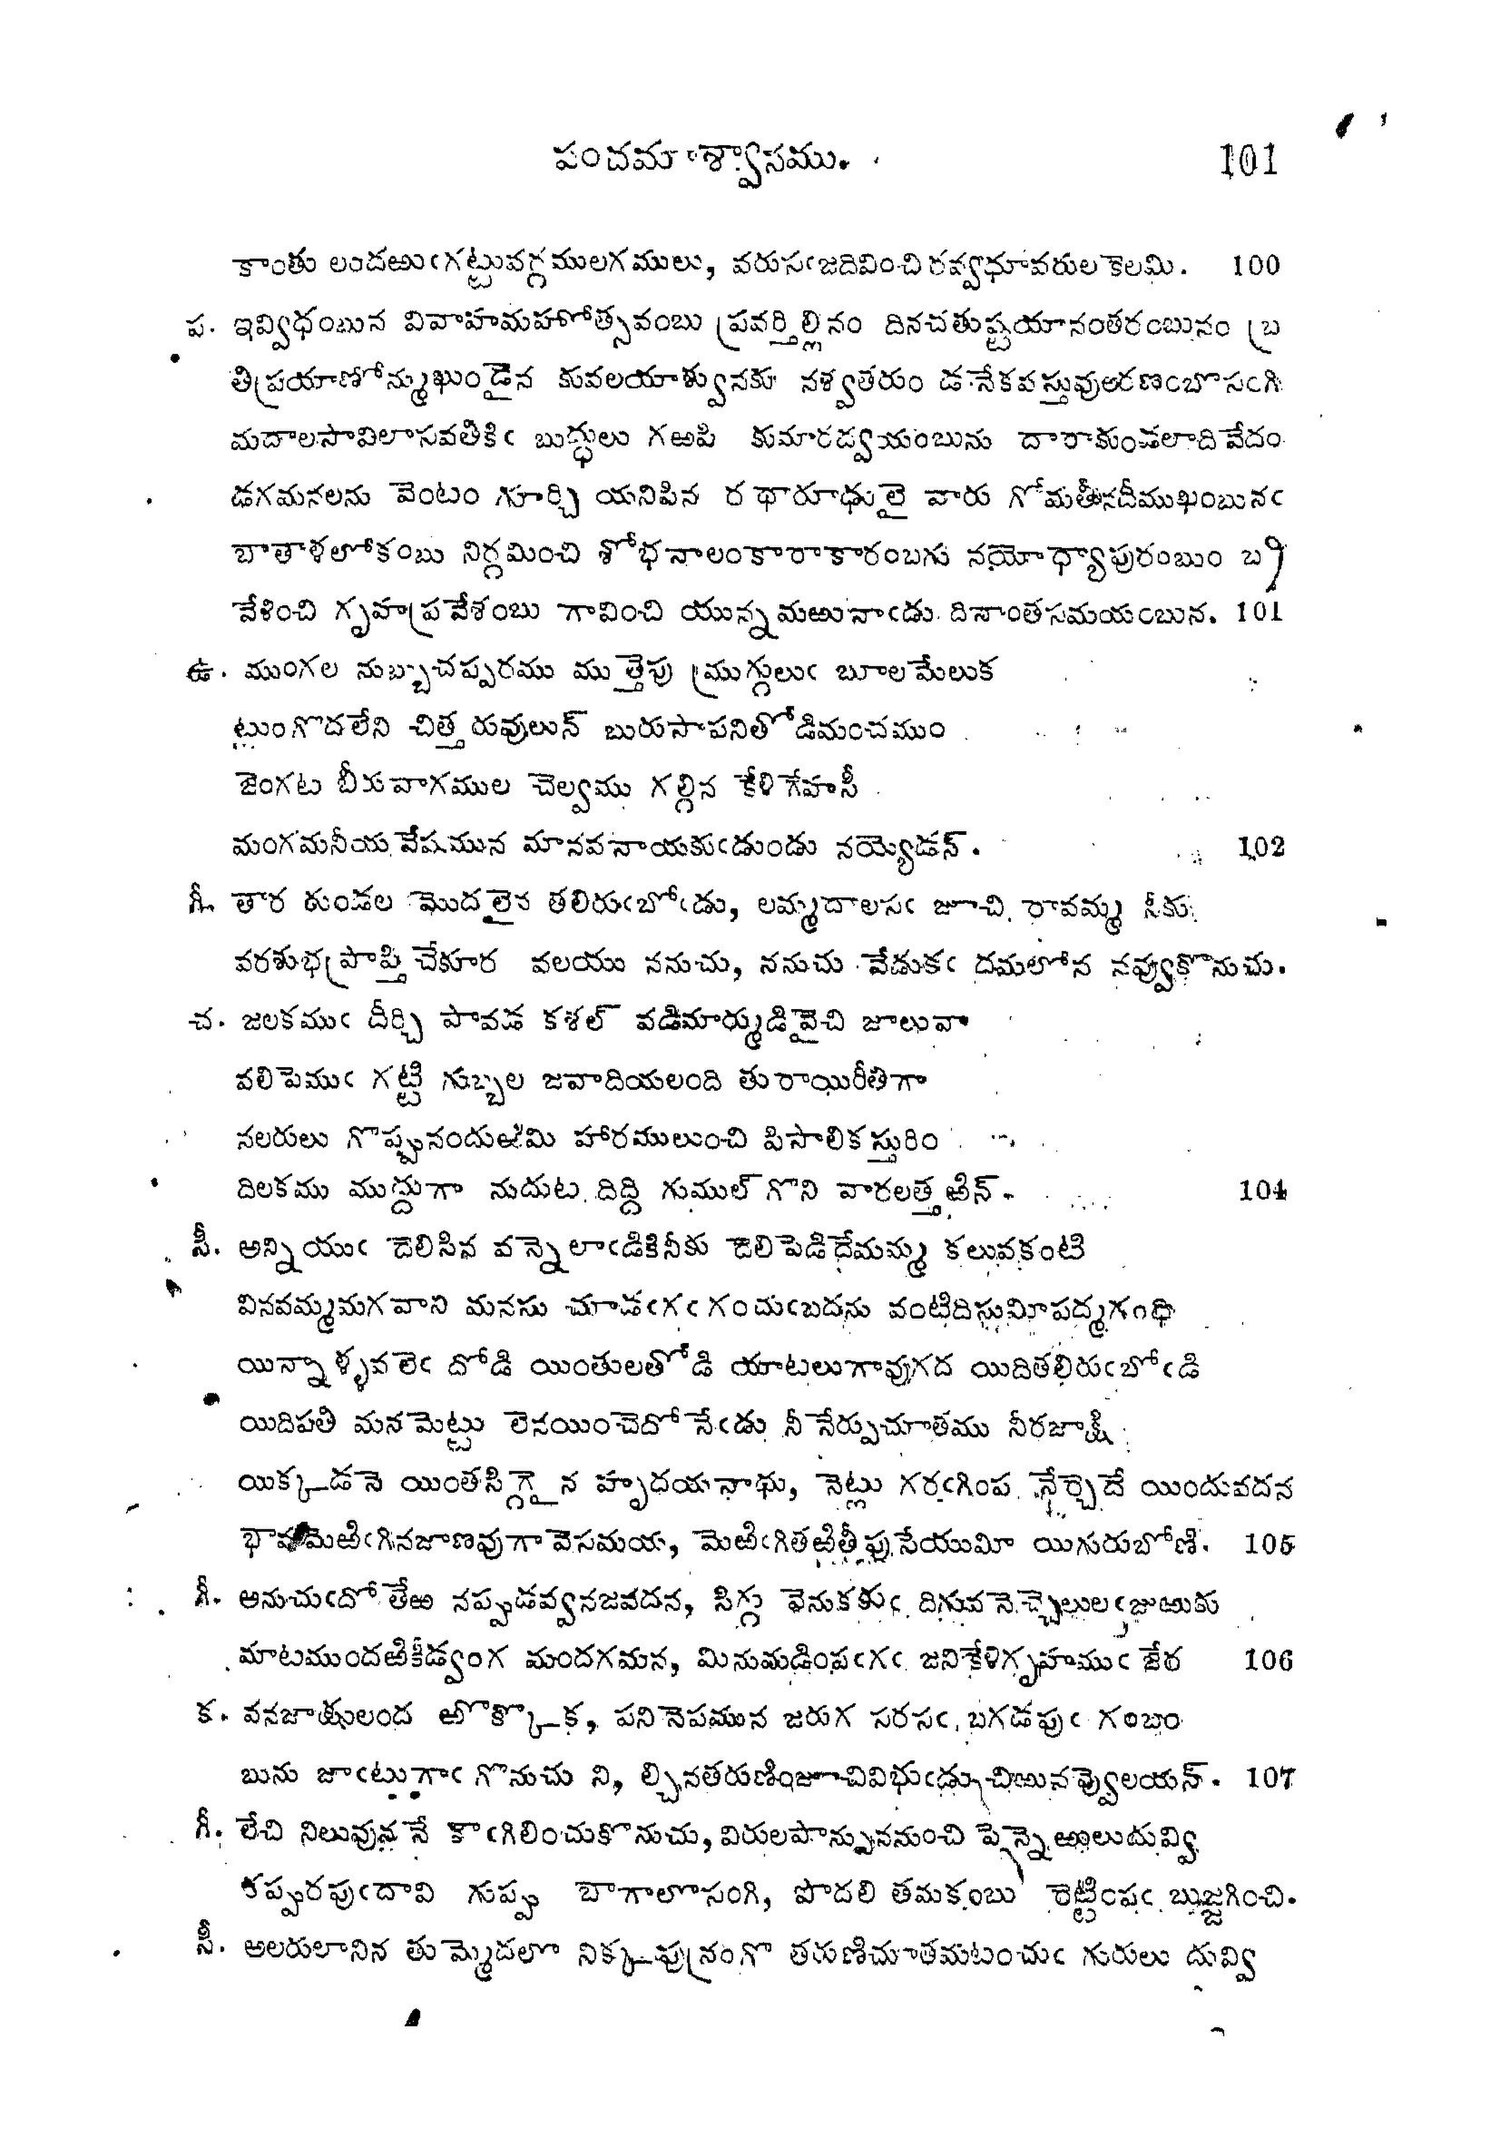కాంతు లందఱుఁ గట్టువర్గములగములు, వరుసఁ జదివించి రవ్వధూవరుల కెలమి.
వ. ఇవ్విధంబున వివాహమహోత్సవంబు ప్రవర్తిల్లినం దినచతుష్టయానంతరంబునం బ్ర
తిప్రయాణోన్ముఖుండైన కువలయాశ్వునకు నశ్వతరుం డనేకవస్తువు లరణం బొసంగి
మదాలసావిలాసవతికిఁ బుద్ధులు గఱపి కుమారద్వయంబును దారాకుంతలాదివేదం
డగమనలను వెంటం గూర్చి యనిపిన రథారూఢులై వారు గోమతీనదీముఖంబునఁ
బాతాళలోకంబు నిర్గమించి శోభనాలంకారాకారంబగు నయోధ్యాపురంబుం బ్ర
వేశించి గృహప్రవేశంబు గావించియున్న మఱునాఁడు దినాంతసమయంబున.
ఉ. ముంగల నుబ్బచప్పరము ముత్తెపుముగ్గులుఁ బూలమేలుక
ట్లుం గొదలేనిచిత్తరువులున్ బురుసాపనితోడిమంచముం
జెంగట బీరువాగముల చెల్వము గల్గిన కేళిగేహసీ
మంగమనీయవేషమున మానవనాయకుఁ డుండు నయ్యెడన్.
గీ. తారాకుండల మొదలైన తలిరుఁబోఁడు, లమ్మదాలసఁ జూచి రావమ్మ నీకు
వరశుభప్రాప్తి చేకూరవలయు ననుచు, ననుచు వేడుకఁ దమలోన నవ్వుకొనుచు.
చ. జలకముఁ దీర్చి పావడ కళల్ వడిమార్ముడి వైచి జాలువా
వలిపెముఁ గట్టి గుబ్బల జవాది యలంది తురాయిరీతిగా
నలరులు గొప్పునం దుఱిమి హారము లుంచి పిసాలికస్తురిం
దిలకము ముద్దుగా నుదుట దిద్ది గుముల్ గొని వార లత్తఱిన్.
సీ. అన్నియుఁ దెలిసిన వన్నెలాఁడికి నీకు దెలిపెడి దేమమ్మ కలువకంటి
వినవమ్మ మగవాని మనసు చూడఁగఁ గంచుఁబదనువంటిది సుమీ పద్మగంధి
యిన్నాళ్ళవలెఁ దోడియింతులతోడి యాటలు గావుగద యిదితలిరుఁబోఁడి
యిదిపతి మన మెట్టు లెసయించెదో నేఁడు నీనేర్పు చూతము నీరజాక్షి 
యిక్కడనె యింత సిగ్గైన హృదయనాథు, నెట్లు గరఁగింపనేర్చెదే యిందువదన
భావ మెఱిఁగినజాణవుగా వెసమయ, మెఱిఁగి తఱితీపు సేయుమీ యిగురుఁబోణి. 
గీ. అనుచుఁ దోతేఱ నప్పు డవ్వనజవదన, సిగ్గు వెనుకకుఁ దిగువ నెచ్చెలులఁ జుఱుకు
మాట ముందఱి కీడ్వంగ మందగమన, మినుమడింపఁగఁ, జని కేళిగృహముఁ జేర.
క. వనజాక్షులంద ఱొక్కొక, పనినెపమున జరుగ సరసఁ బగడపుఁ గంబం
బును జాఁటుగాఁ గొనుచు ని, ల్చినతరుణిఁ జూచి విభుఁడు చిఱున వ్వెలయన్.
గీ. లేచి నిలువుననే కౌఁగిలించుకొనుచు, విరులపాన్పున నుంచి పెన్నెఱులు దువ్వి
కప్పురపుఁదావి గుప్పు బాగా లొసంగి, పొదలి తమకంబు రెట్టింపఁ బుజ్జగించి.
సీ. అలరులానిన తుమ్మెదలొ నిక్కపున్రంగొ తరుణి చూత మటంచుఁ గురులు దువ్వి